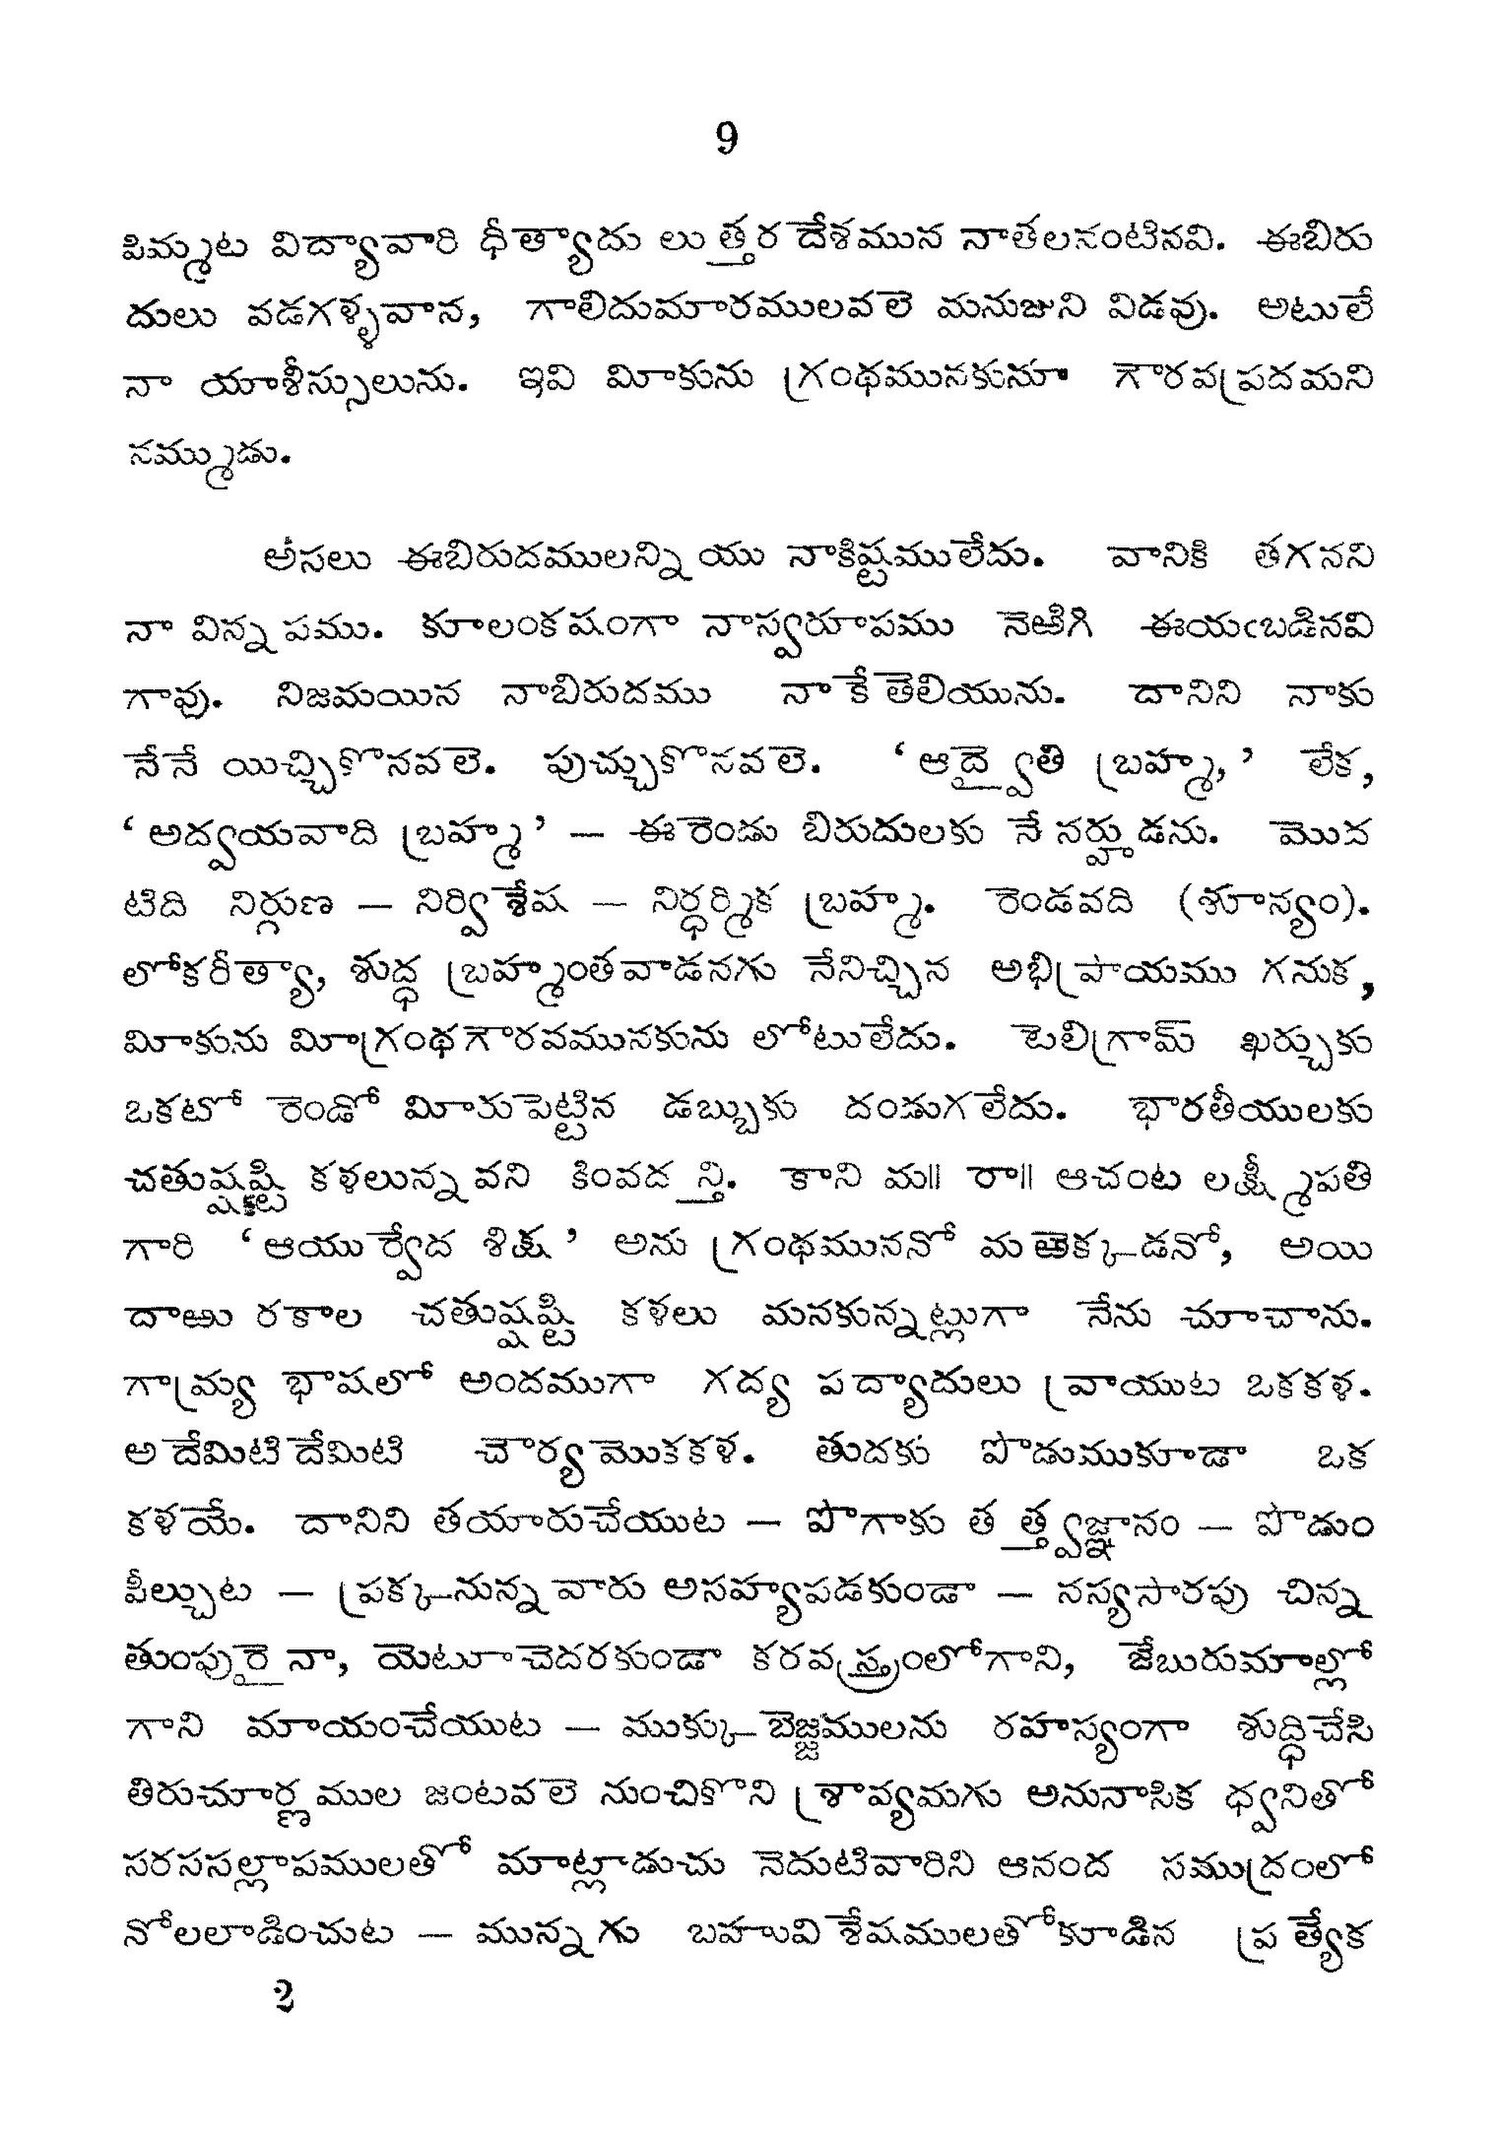పిమ్మట విద్యావారి ధీత్యాదు లుత్తరదేశమున నాతలనంటినవి. ఈబిరు
దులు వడగళ్ళవాన, గాలిదుమారములవలె మనుజుని విడవు. అటులే
నా యాశీస్సులును. ఇవి మీకును గ్రంథమునకునూ గౌరవప్రదమని
నమ్ముడు.

అసలు ఈబిరుదములన్నియు నాకిష్టములేదు. వానికి తగనని
నా విన్నపము. కూలంకషంగా నాస్వరూపము నెఱిగి ఈయఁబడినవి
గావు. నిజమయిన నాబిరుదము నాకేతెలియును. దానిని నాకు
నేనే యిచ్చికొనవలె. పుచ్చుకొనవలె. 'ఆద్వైతి బ్రహ్మ,' లేక,
'అద్వయవాది బ్రహ్మ' - ఈ రెండు బిరుదులకు నే నర్హుడను. మొద
టిది నిర్గుణ - నిర్విశేష - నిర్ధర్మిక బ్రహ్మ. రెండవది (శూన్యం).
లోకరీత్యా, శుద్ధ బ్రహ్మంతవాడనగు నేనిచ్చిన అభిప్రాయము గనుక,
మీకును మీగ్రంథగౌరవమునకును లోటులేదు. టెలిగ్రామ్ ఖర్చుకు
ఒకటో రెండో మీరుపెట్టిన డబ్బుకు దండుగలేదు. భారతీయులకు
చతుష్షష్టి కళలున్నవని కింవదన్తి. కాని మ॥ రా॥ ఆచంట లక్ష్మీపతి
గారి 'ఆయుర్వేద శిక్ష' అను గ్రంథముననో మఱెక్కడనో, అయి
దాఱు రకాల చతుష్షష్టి కళలు మనకున్నట్లుగా నేను చూచాను.
గామ్ర్య భాషలో అందముగా గద్య పద్యాదులు వ్రాయుట ఒకకళ.
అదేమిటిదేమిటి చౌర్యమొకకళ. తుదకు పొడుముకూడా ఒక
కళయే. దానిని తయారుచేయుట - పొగాకు తత్త్వజ్ఞానం - పొడుం
పీల్చుట - ప్రక్కనున్నవారు అసహ్యపడకుండా - నస్యసారపు చిన్న
తుంపురై నా, యెటూచెదరకుండా కరవస్త్రంలోగాని, జేబురుమాల్లో
గాని మాయంచేయుట - ముక్కుబెజ్జములను రహస్యంగా శుద్ధిచేసి
తిరుచూర్ణముల జంటవలె నుంచికొని శ్రావ్యమగు అనునాసిక ధ్వనితో
సరససల్లాపములతో మాట్లాడుచు నెదుటివారిని ఆనంద సముద్రంలో
నోలలాడించుట - మున్నగు బహువిశేషములతోకూడిన ప్రత్యేక